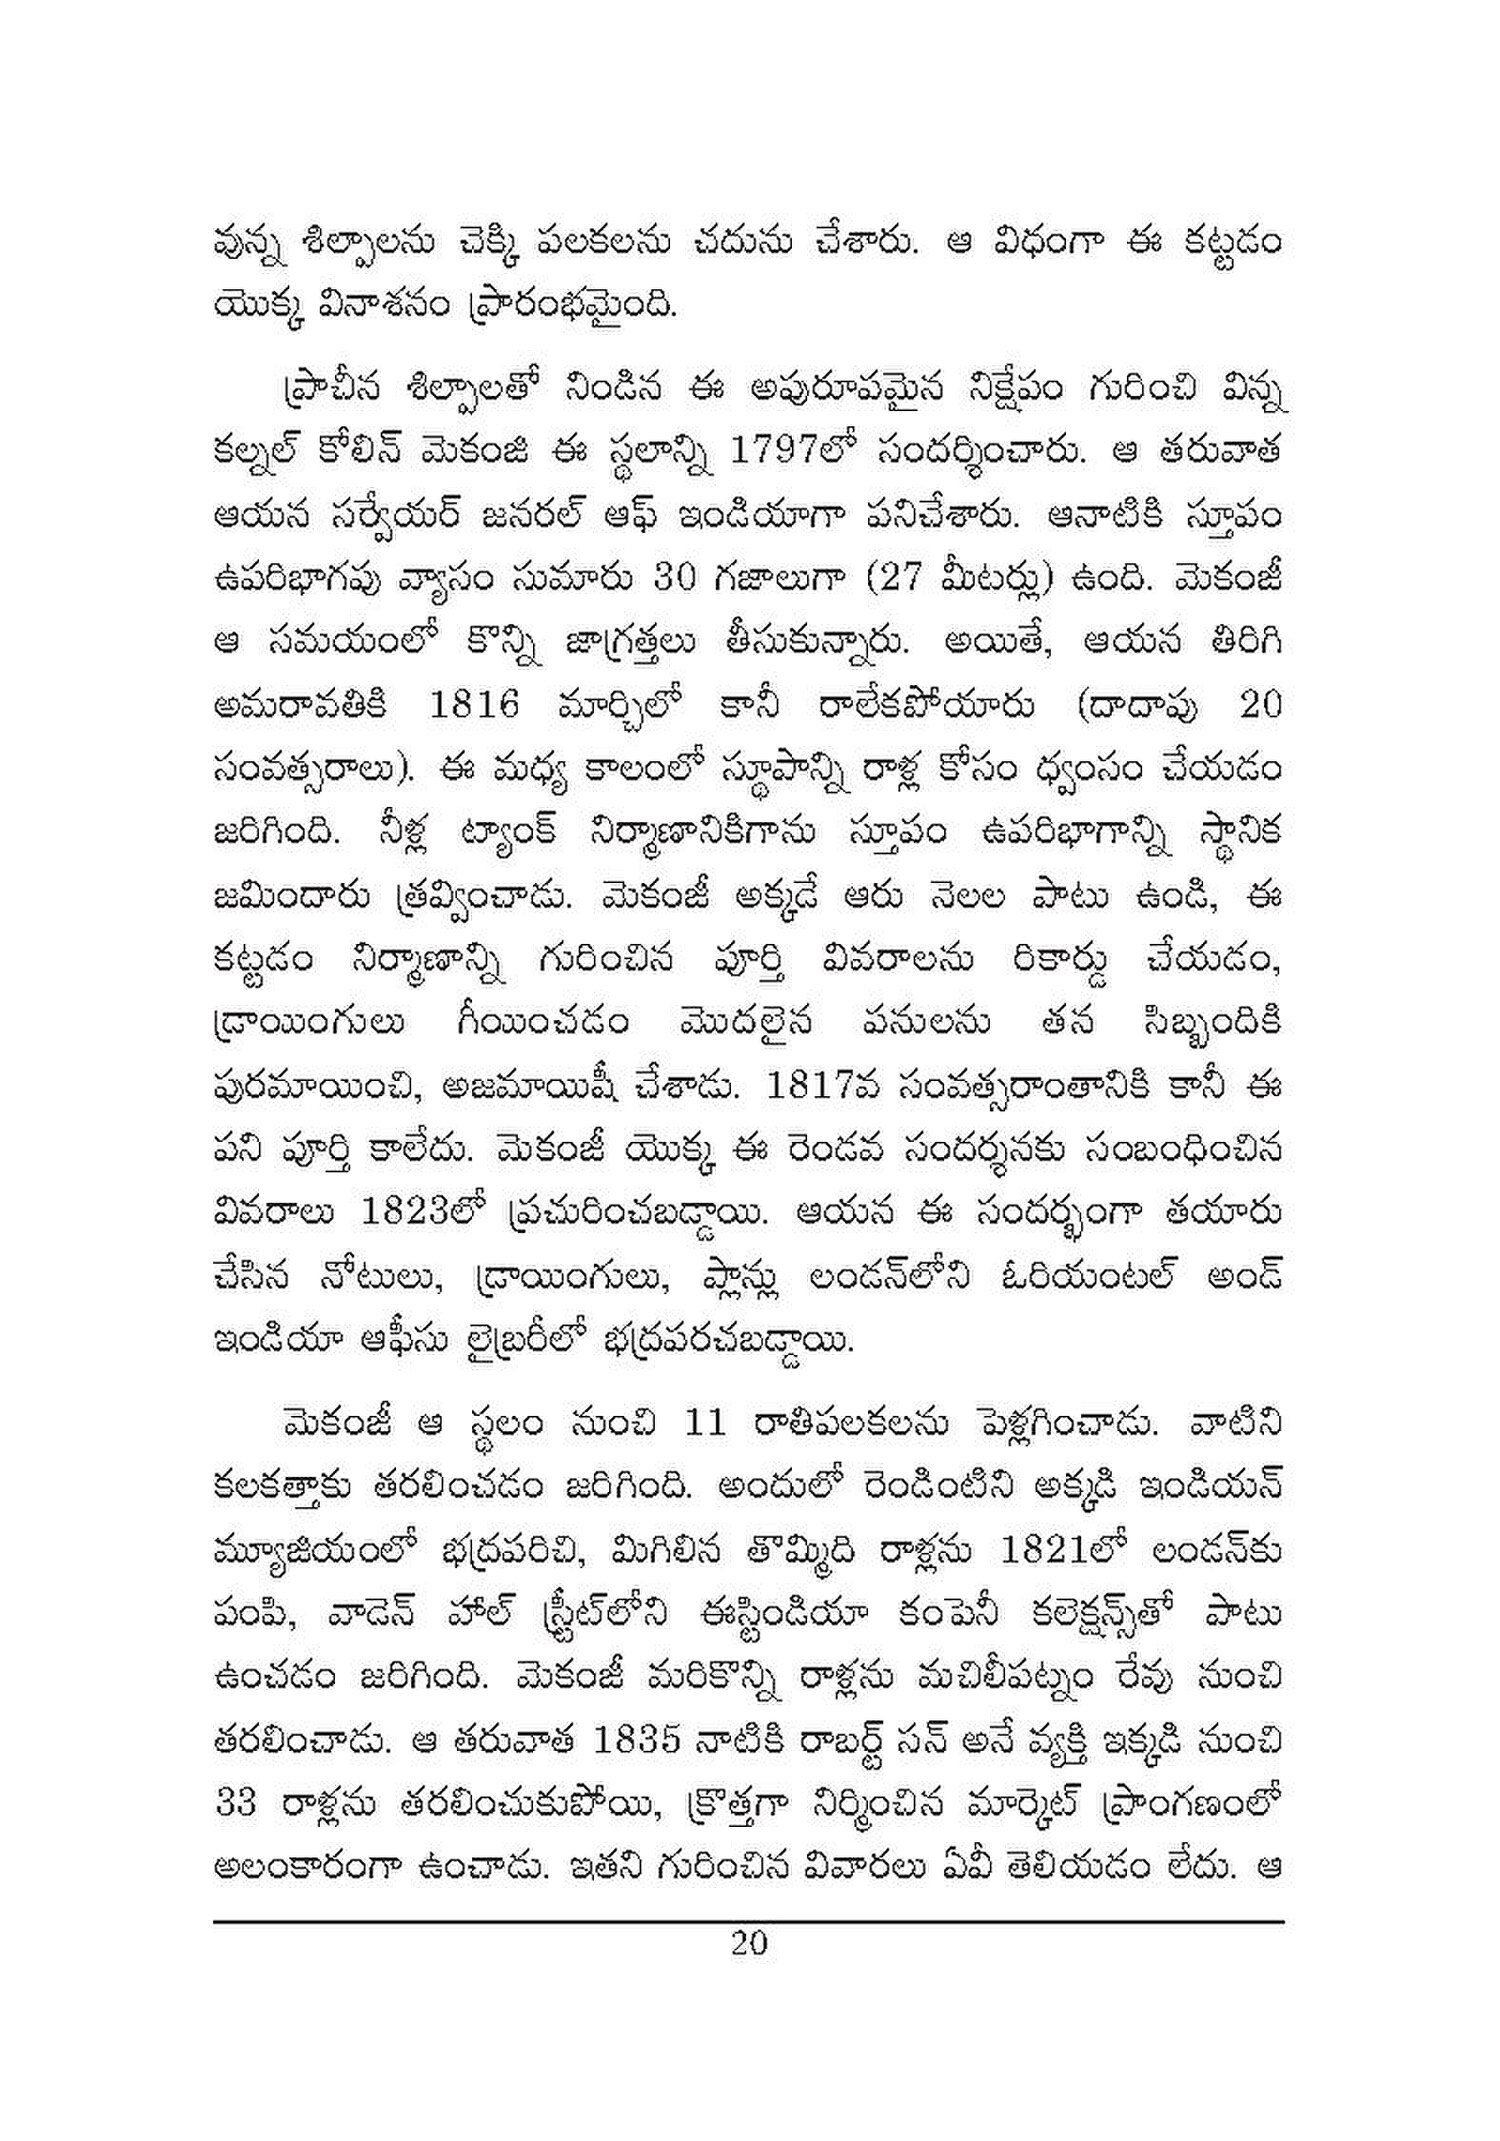వున్న శిల్పాలను చెక్కి పలకలను చదును చేశారు. ఆ విధంగా ఈ కట్టడం యొక్క వినాశనం ప్రారంభమైంది. 

ప్రాచీన శిల్పాలతో నిండిన ఈ అపురూపమైన నిక్షేపం గురించి విన్న కల్నల్ కోలిన్ మెకంజి ఈ స్థలాన్ని 1797లో సందర్శించారు. ఆ తరువాత ఆయన సర్వేయర్ జనరల్ ఆఫ్ ఇండియాగా పనిచేశారు. ఆనాటికి స్తూపం ఉపరిభాగపు వ్యాసం సుమారు 30 గజాలుగా (27 మీటర్లు) ఉంది. మెకంజీ ఆ సమయంలో కొన్ని జాగ్రత్తలు తీసుకున్నారు. అయితే, ఆయన తిరిగి అమరావతికి 1816 మార్చిలో కానీ రాలేకపోయారు (దాదాపు 20 సంవత్సరాలు). ఈ మధ్య కాలంలో స్తూపాన్ని రాళ్ల కోసం ధ్వంసం చేయడం జరిగింది. నీళ్ల ట్యాంక్ నిర్మాణానికిగాను స్తూపం ఉపరిభాగాన్ని స్థానిక జమిందారు త్రవ్వించాడు. మెకంజీ అక్కడే ఆరు నెలల పాటు ఉండి, ఈ కట్టడం నిర్మాణాన్ని గురించిన పూర్తి వివరాలను రికార్డు చేయడం, డ్రాయింగులు గీయించడం మొదలైన పనులను తన సిబ్బందికి పరమాయించి, అజమాయిషీ చేశాడు. 1817వ సంవత్సరాంతానికి కానీ ఈ పని పూర్తి కాలేదు. మెకంజీ యొక్క ఈ రెండవ సందర్శనకు సంబంధించిన వివరాలు 1823లో ప్రచురించబడ్డాయి. ఆయన ఈ సందర్భంగా తయారు చేసిన నోటులు, డ్రాయింగులు, ప్లాన్లు లండన్‌లోని ఓరియంటల్ అండ్ ఇండియా ఆఫీసు లైబ్రరీలో భద్రపరచబడ్డాయి. 

మెకంజీ ఆ స్థలం నుంచి 11 రాతిపలకలను పెళ్లగించాడు. వాటిని కలకత్తాకు తరలించడం జరిగింది. అందులో రెండింటిని అక్కడి ఇండియన్ మ్యూజియంలో భద్రపరిచి, మిగిలిన తొమ్మిది రాళ్లను 1821లో లండన్‌కు పంపి, వాడెన్ హాల్ స్ట్రీట్‌లోని ఈస్టిండియా కంపెనీ కలెక్షన్స్‌తో పాటు ఉంచడం జరిగింది. మెకంజీ మరికొన్ని రాళ్లను మచిలీపట్నం రేవు నుంచి తరలించాడు. ఆ తరువాత 1835 నాటికి రాబర్ట్‌సన్ అనే వ్యక్తి ఇక్కడి నుంచి 38 రాళ్లను తరలించుకుపోయి, క్రొత్తగా నిర్మించిన మార్కెట్ ప్రాంగణంలో అలంకారంగా ఉంచాడు. ఇతని గురించిన వివారలు ఏవీ తెలియడం లేదు. ఆ